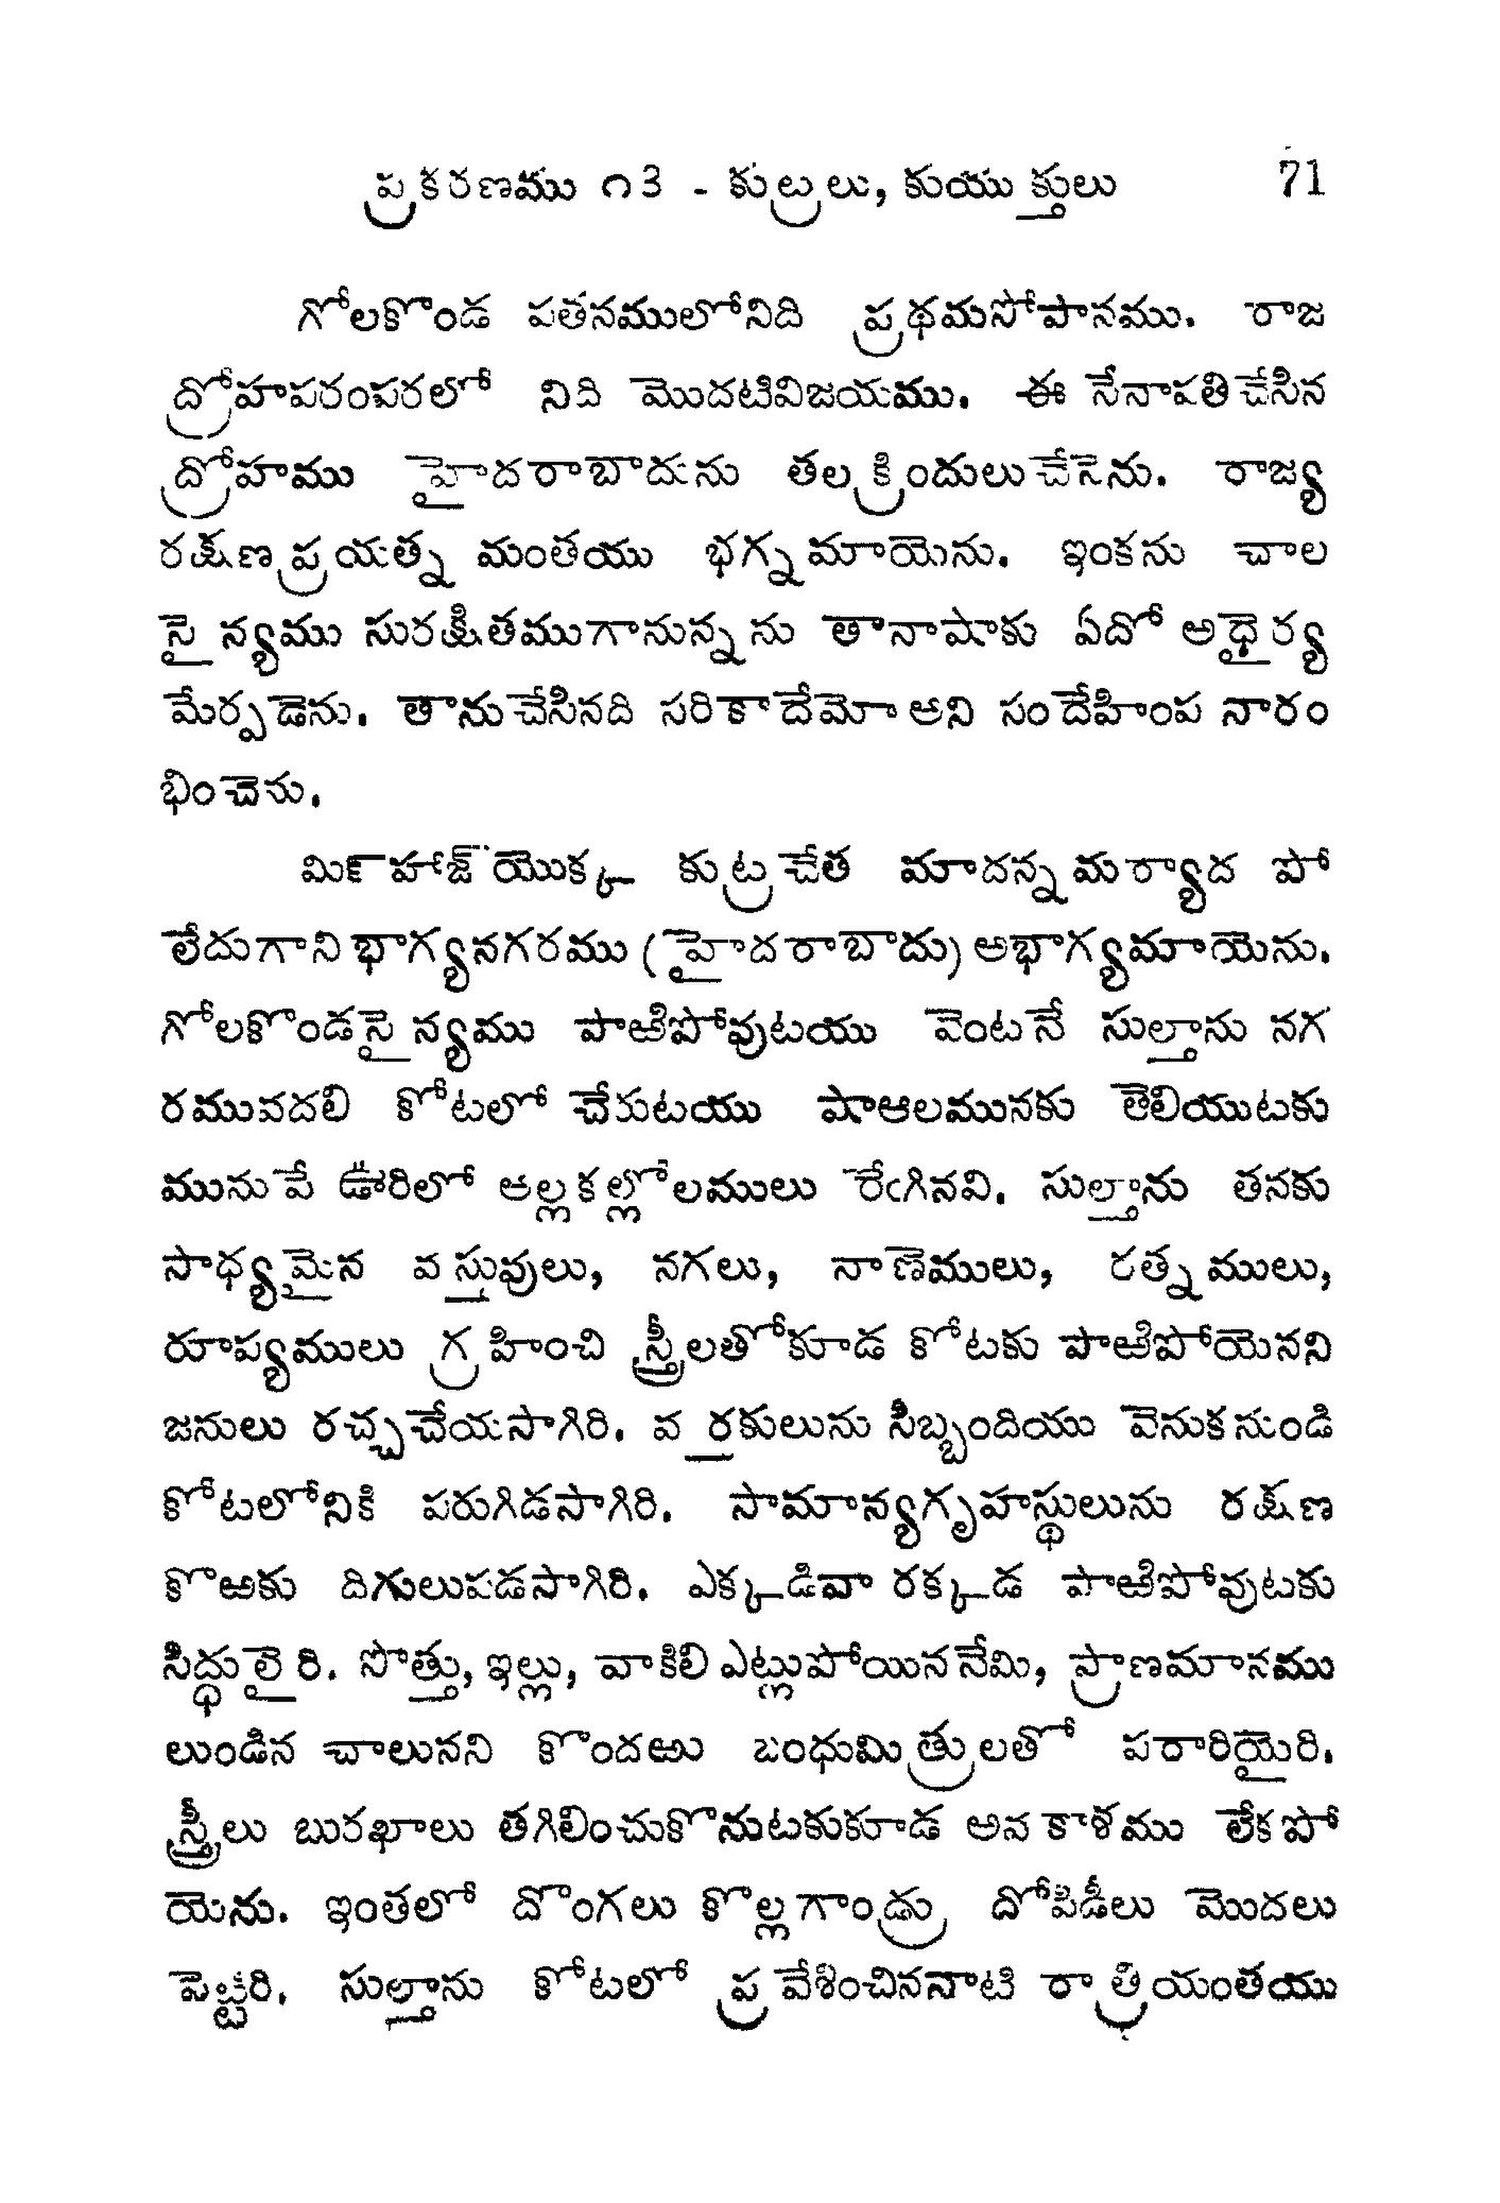గోలకొండ పతనములోనిది ప్రథమసోపానము. రాజద్రోహపరంపరలో నిది మొదటివిజయము. ఈ సేనాపతిచేసిన ద్రోహము హైదరాబాదును తలక్రిందులుచేసెను. రాజ్య రక్షణప్రయత్న మంతయు భగ్నమాయెను. ఇంకను చాల సైన్యము సురక్షితముగానున్నను తానాషాకు ఏదో అధైర్య మేర్పడెను. తానుచేసినది సరికాదేమో అని సందేహింప నారంభించెను.

మిౝహాజ్‌యొక్క కుట్రచేత మాదన్నమర్యాద పోలేదుగాని భాగ్యనగరము (హైదరాబాదు) అభాగ్యమాయెను. గోలకొండసైన్యము పాఱిపోవుటయు వెంటనే సుల్తాను నగరమువదలి కోటలో చేరుటయు షాఆలమునకు తెలియుటకు మునుపే ఊరిలో అల్లకల్లోలములు రేఁగినవి. సుల్తాను తనకు సాధ్యమైన వస్తువులు, నగలు, నాణెములు, రత్నములు, రూప్యములు గ్రహించి స్త్రీలతోకూడ కోటకు పాఱిపోయెనని జనులు రచ్చచేయసాగిరి. వర్తకులును సిబ్బందియు వెనుకనుండి కోటలోనికి పరుగిడసాగిరి. సామాన్యగృహస్థులును రక్షణ కొఱకు దిగులుపడసాగిరి. ఎక్కడివా రక్కడ పాఱిపోవుటకు సిద్ధులైరి. సొత్తు, ఇల్లు, వాకిలి ఎట్లుపోయిననేమి, ప్రాణమానము లుండిన చాలునని కొందఱు బంధుమిత్రులతో పరారియైరి. స్త్రీలు బురఖాలు తగిలించుకొనుటకుకూడ అవకాశము లేకపోయెను. ఇంతలో దొంగలు కొల్లగాండ్రు దోపిడీలు మొదలు పెట్టిరి. సుల్తాను కోటలో ప్రవేశించిననాటి రాత్రియంతయు